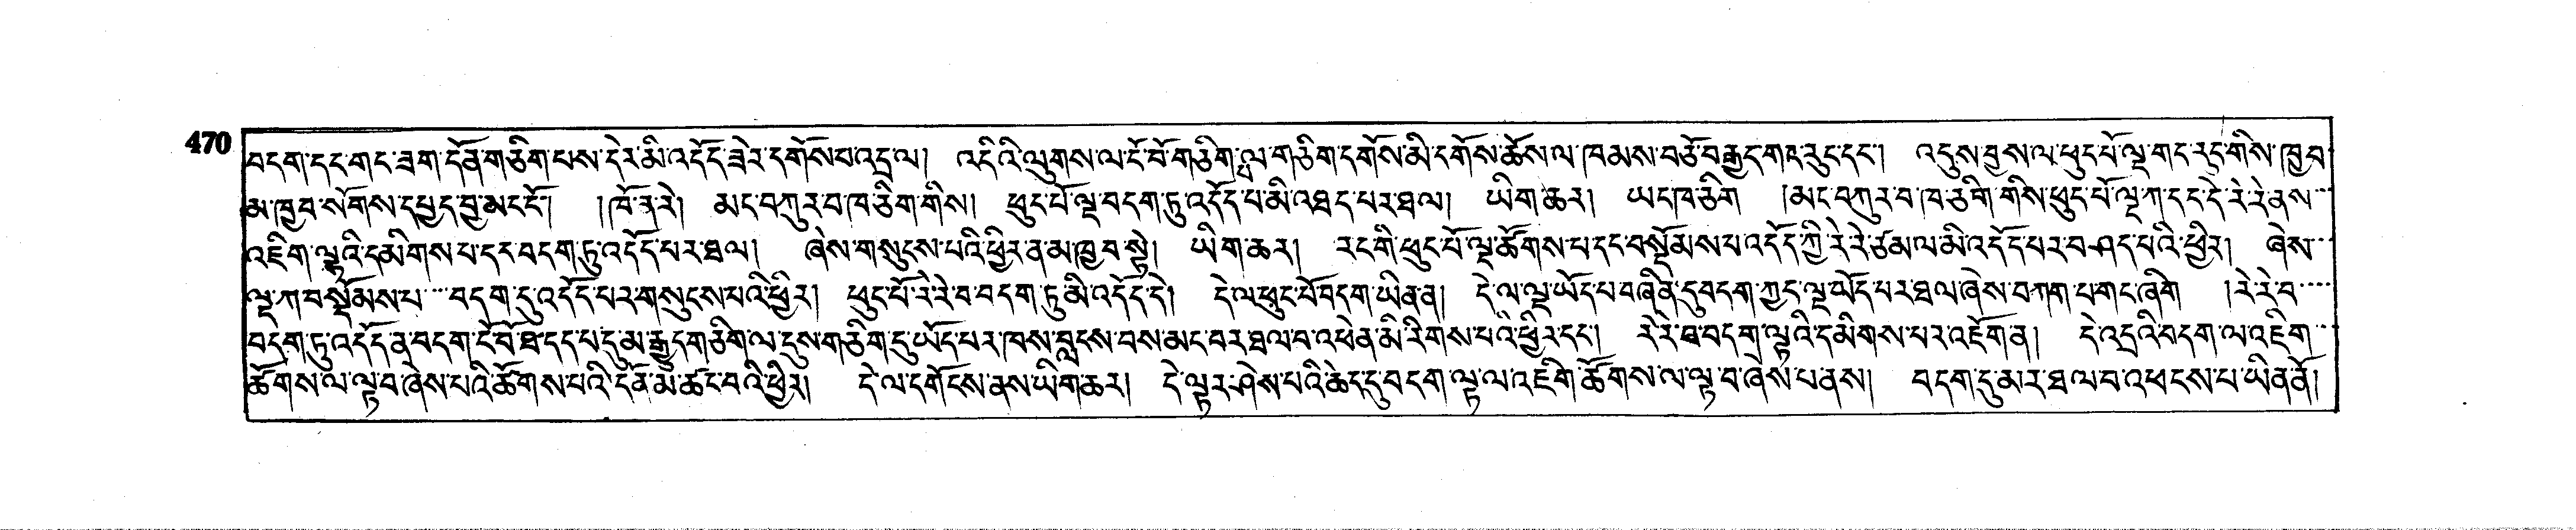བདག་དང་གང་ཟག་དོན་གཅིག་པས་དེར་མི་འདོད་ཟེར་དགོས་པ་འདྲ་ལ། འདིའི་ལུགས་ལ་ངོ་བོ་གཅིག་པ་ལ་གཅིག་དགོས་མི་དགོས་ཆོས་ལ་ཁམས་བཅོ་བརྒྱད་གང་རུང་དང་། འདུས་བྱས་ལ་ཕུང་པོ་ལྔ་གང་རུང་གིས་ཁྱབ་
མ་ཁྱབ་སོགས་དཔྱད་བྱ་མང་ངོ། །ཁོ་ན་རེ། མང་བཀུར་བ་ཁ་ཅིག་གིས། ཕུང་པོ་ལྔ་བདག་ཏུ་འདོད་པ་མི་འཐད་པར་ཐལ། ཡིག་ཆར། ཡང་ཁ་ཅིག །མང་བཀུར་བ་ཁ་ཅིག་གིས་ཕུང་པོ་ལྔ་ཀ་དང་དེ་རེ་རེ་ནས་
འཇིག་ལྷའི་དམིགས་པ་དང་བདག་ཏུ་འདོད་པར་ཐལ། ཞེས་གསུངས་པའི་ཕྱིར་ན་མ་ཁྱབ་སྟེ། ཡིག་ཆར། རང་གི་ཕུང་པོ་ལྔ་ཚོགས་པ་དང་བསྡོམས་པ་འདོད་ཀྱི་རེ་རེ་ཙམ་ལ་མི་འདོད་པར་བཤད་པའི་ཕྱིར། ཞེས་
ལྡ་ཀ་བསྡོམས་པ་བདག་དུ་འདོད་པར་གསུངས་པའི་ཕྱིར། ཕུང་པོ་རེ་རེ་བ་བདག་ཏུ་མི་འདོད་དེ། དེ་ལ་ཕུང་པོ་བདག་ཡིན་ན། དེ་ལ་ལྔ་ཡོད་པ་བཞིན་དུ་བདག་ཀྱང་ལྔ་ཡོད་པར་ཐལ་ཞེས་བཀག་པ་གང་ཞིག །རེ་རེ་བ་
བདག་ཏུ་འདོད་ན་བདག་ངོ་བོ་ཐ་དད་པ་དུ་མ་རྒྱུད་གཅིག་ལ་དུས་གཅིག་དུ་ཡོད་པར་ཁས་བླངས་བས་མང་བར་ཐལ་བ་འཕེན་མི་རིགས་པའི་ཕྱིར་དང་། རེ་རེ་བ་བདག་ལྟའི་དམིགས་པར་འཇོག་ན། དེ་འདྲའི་བདག་ལ་འཇིག་
ཚོགས་ལ་ལྟ་བ་ཞེས་པའི་ཚོགས་པའི་དོན་མ་ཚང་བའི་ཕྱིར། དེ་ལ་དགོངས་ནས་ཡིག་ཆར། དེ་ལྟར་ཤེས་པའི་ཆེད་དུ་བདག་ལྟ་ལ་འཇིག་ཚོགས་ལ་ལྟ་བ་ཞེས་པ་ནས། བདག་དུ་མར་ཐལ་བ་འཕངས་པ་ཡིན་ནོ།